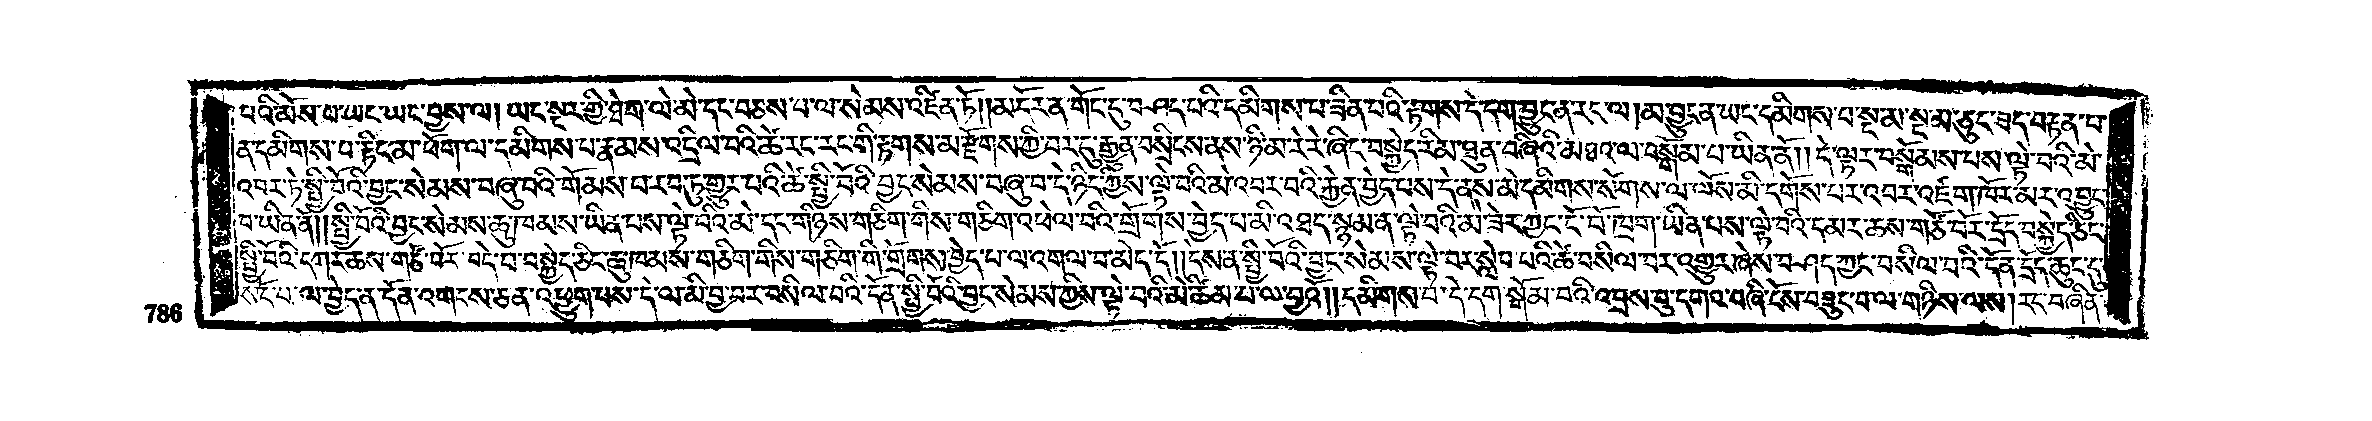བའི་མོས་པ་ཡང་ཡང་བྱས་ལ། ཡང་སྔར་གྱི་ཐེག་ལེ་མེ་དང་བཅས་པ་ལ་སེམས་འཛིན་ཏོ། །མདོར་ན་གོང་དུ་བཤད་པའི་དམིགས་པ་ཟིན་པའི་རྟགས་དེ་དག་བྱུང་ན་རང་ལ། མ་བྱུང་ན་ཡང་དམིགས་པ་སྔ་མ་སྔ་མ་ཅུང་ཟད་བརྟན་པ་
ན་དམིགས་པ་རྟིང་མ་ཕོག་ལ་དམིགས་པ་རྣམས་འདྲིལ་བའི་ཚེ་རང་རང་གི་རྟགས་མ་རྫོགས་ཀྱི་བར་དུ་རྒྱུན་བསྲིངས་ནས་ཉི་མ་རེ་རེ་ཞིང་བསྐྱེད་རིམ་ཐུན་བཞིའི་མཐའ་ལ་བསྒོམ་པ་ཡིན་ནོ། །དེ་ལྟར་བསྒོམས་པས་ལྟེ་བའི་མེ་
འབར་ཏེ་སྤྱི་བོའི་བྱང་སེམས་བཞུ་བའི་གོམས་པ་རབ་ཏུ་གྱུར་པའི་ཚེ་སྤྱི་བོའི་བྱང་སེམས་བཞུ་བ་དེ་ཉིད་ཀྱིས་ལྟེ་བའི་མེ་འབར་བའི་རྐྱེན་བྱེད་པས་དེ་ནས་མེ་དམིགས་སོགས་ལ་ལོས་མི་དགོས་པར་འབར་འཛག་ཁོར་མར་འབྱུང་
བ་ཡིན་ནོ། །སྤྱི་བོའི་བྱང་སེམས་ཆུ་ཁམས་ཡིན་པས་ལྟེ་བའི་མེ་དང་གཉིས་གཅིག་གིས་གཅིག་འཕེལ་བའི་གྲོགས་བྱེད་པ་མི་འཐད་སྙམ་ན་ལྟེ་བའི་མེ་ཟེར་ཀྱང་ངོ་བོ་ཁྲག་ཡིན་པས་ལྟེ་བའི་དམར་ཆས་གཙོ་བོར་དྲོད་བསྐྱེད་ཅིང་
སྤྱི་བོའི་དཀར་ཆས་གཙོ་བོར་བདེ་བ་བསྐྱེད་ཅིང་ཆུ་ཁམས་གཅིག་གིས་གཅིག་གི་གྲོགས་བྱེད་པ་ལ་འགལ་བ་མེད་དོ། །དེས་ན་སྤྱི་བོའི་བྱང་སེམས་ལྟེ་བར་སླེབ་པའི་ཚེ་བསིལ་བར་འགྱུར་ཞེས་བཤད་ཀྱང་བསིལ་བའི་དོན་དྲོད་ཆུང་ངུ་
སོང་བ་ལ་བྱེད་ན་དོན་འགངས་ཅན་འཕྱུག་པས་དེ་ལ་མི་བྱ་བར་བསིལ་བའི་དོན་སྤྱི་བོའི་བྱང་སེམས་ཀྱིས་ལྟེ་བའི་མེ་ཚིམ་པ་ལ་བྱའོ། །དམིགས་པ་དེ་དག་སྒོམ་པའི་འབྲས་བུ་དགའ་བཞི་ངོས་བཟུང་བ་ལ་གཉིས་ལས། རང་བཞིན་